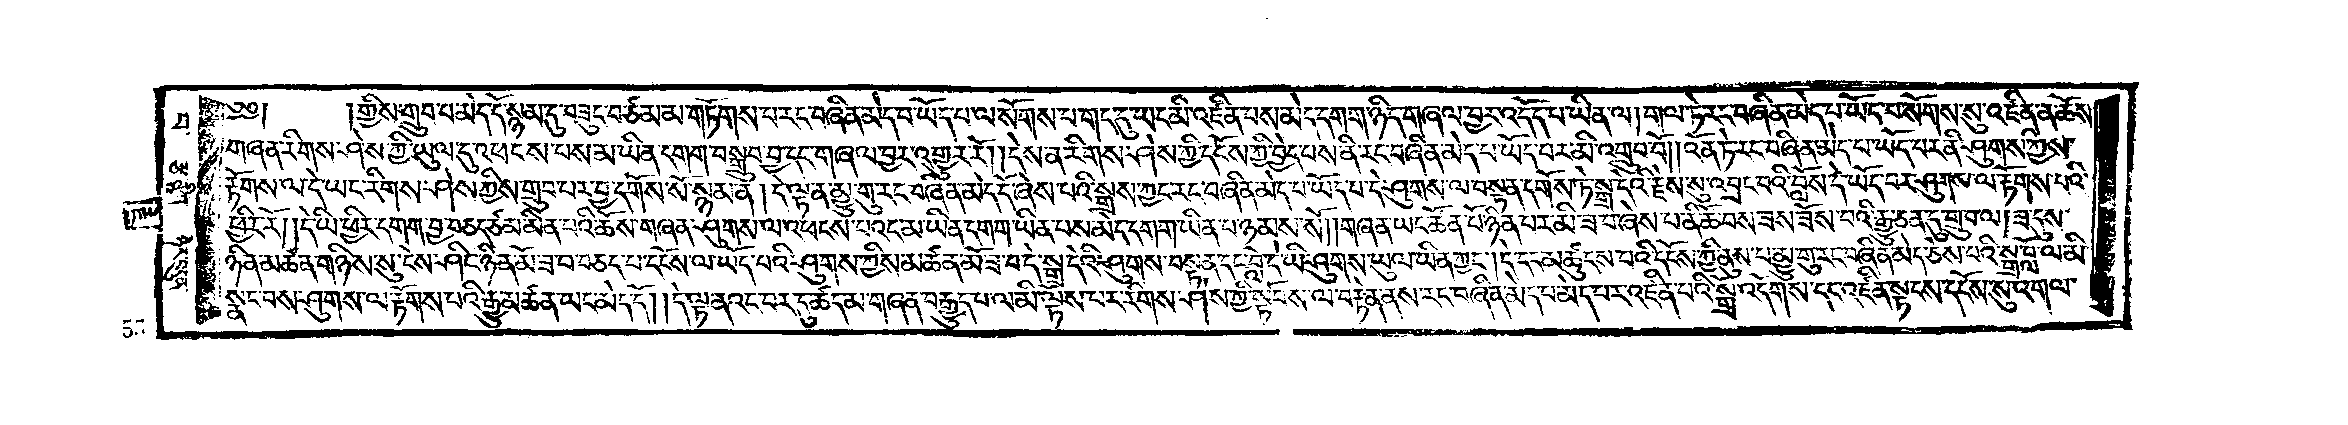༄༅། །གྱིས་གྲུབ་པ་མེད་དོ་སྙམ་དུ་བཟུང་བ་ཙམ་མ་གཏོགས་པ་རང་བཞིན་མེད་པ་ཡོད་པ་ལ་སོགས་པ་གང་དུ་ཡང་མི་འཛིན་པས་མེད་དགག་ཉིད་གཞལ་བྱར་འདོད་པ་ཡིན་ལ། གལ་ཏེ་རང་བཞིན་མེད་པ་ཡོད་པ་སོགས་སུ་འཛིན་ན་ཆོས་
གཞན་རིགས་ཤེས་ཀྱི་ཡུལ་དུ་འཕངས་པས་མ་ཡིན་དགག་བསྒྲུབ་བྱ་དང་གཞལ་བྱར་འགྱུར་རོ། །དེས་ན་རིགས་ཤེས་ཀྱི་དངོས་ཀྱི་བྱེད་པས་ནི་རང་བཞིན་མེད་པ་ཡོད་པར་མི་འགྲུབ་བོ། །འོན་ཏེ་རང་བཞིན་མེད་པ་ཡོད་པར་ནི་ཤུགས་ཀྱིས་
རྟོགས་ལ་དེ་ཡང་རིགས་ཤེས་ཀྱིས་གྲུབ་པར་བྱ་དགོས་སོ་སྙམ་ན། ད་ལྟ་ན་མྱུ་གུ་རང་བཞིན་མེད་དོ་ཞེས་པའི་སྒྲས་ཀྱང་རང་བཞིན་མེད་པ་ཡོད་པ་དེ་ཤུགས་ལ་བསྟན་དགོས་ཏེ་སྒྲ་དེའི་རྗེས་སུ་འབྲང་བའི་བློས་དེ་ཡོད་པར་ཤུགས་ལ་རྟོགས་པའི་
ཕྱིར་རོ། །དེ་ཡི་ཕྱིར་དགག་བྱ་བཅད་ཙམ་མིན་པའི་ཆོས་གཞན་ཤུགས་ལ་འཕངས་པའང་མ་ཡིན་དགག་ཡིན་པས་མེད་དགག་ཡིན་པ་ཉམས་སོ། །གཞན་ཡང་ཚོན་པོ་ཉིན་པར་མི་ཟ་བ་ཞེས་པ་ནི་ཚོ་བས་ཟས་ཟོས་བའི་རྒྱུ་ཅན་དུ་གྲུབ་ལ། ཟ་དུས་
ཉིན་མཚན་གཉིས་སུ་ངེས་ཤིང་ཉིན་མོ་ཟ་བ་བཅད་པ་དངོས་ལ་ཡོད་པའི་ཤུགས་ཀྱིས་མཚན་མོ་ཟ་བ་དེ་སྒྲ་དེའི་ཤུགས་བསྟན་དང་བླ་དེ་ཡི་ཤུགས་ཡུལ་ཡིན་ཀྱང་། དེ་དང་མཚུངས་པའི་དངོས་ཀྱི་ནུས་པ་མྱུ་གུ་རང་བཞིན་མེད་ཅེས་པའི་སྒྲ་བློ་ལ་མི་
སྣང་བས་ཤུགས་ལ་རྟོགས་པའི་རྒྱུ་མཚན་ཡང་མེད་དོ། །དེ་ལྟ་ནའང་བར་དུ་ཚད་མ་གཞན་བརྒྱུད་པ་ལ་མི་ལྟོས་པར་རིགས་ཤེས་ཀྱི་སྟོབས་ལ་བརྟེན་ནས་རང་བཞིན་མེད་པ་མེད་པར་འཛིན་པའི་སྒྲོ་འདོགས་དང་འཛིན་སྟངས་དངོས་སུ་འགལ་